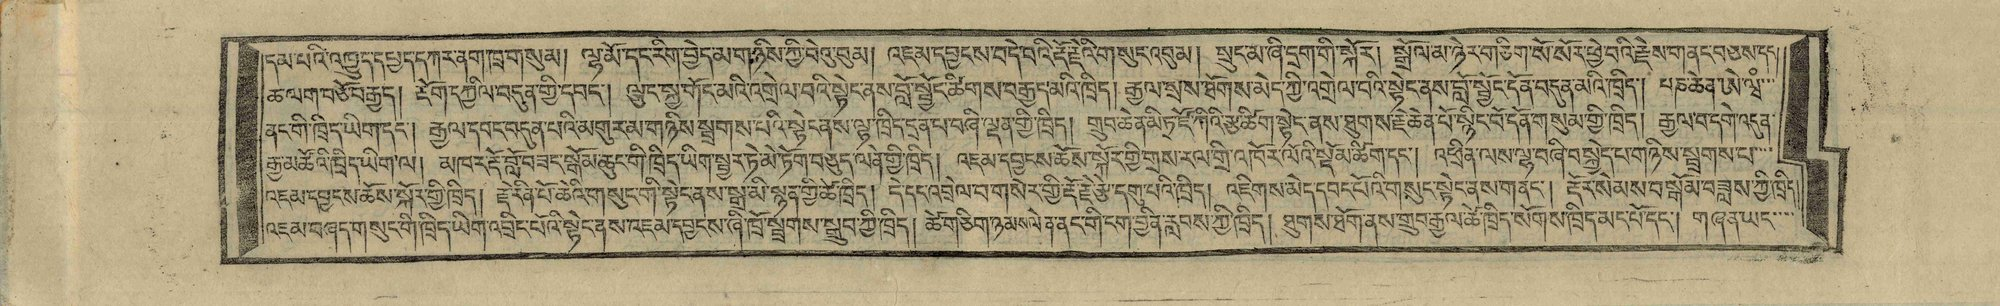དམ་པའི་འཁྱུད་དཔྱད་དཀར་ནག་ཁྲ་གསུམ། ལྷ་མོ་དང་རིག་བྱེད་མ་གཉིས་ཀྱི་བེའུ་བུམ། འཇམ་དབྱངས་བདེ་བའི་རྡོ་རྗེའི་གསུང་འབུམ། སྲུང་མ་ཞི་དྲག་གི་སྐོར། སྒྲོལ་མ་ཉེར་གཅིག་སོ་སོར་ཕྱེ་བའི་རྗེས་གནང་བཅས་དང་།
ཆ་ལག་བཅོ་བརྒྱད། རྔོག་དཀྱིལ་བདུན་གྱི་དབང་། ལྕང་སྐྱ་གོང་མའི་འགྲེལ་བའི་སྟེང་ནས་བློ་སྦྱོང་ཚིགས་བརྒྱད་མའི་ཁྲིད། རྒྱལ་སྲས་ཐོགས་མེད་ཀྱི་འགྲེལ་བའི་སྟེང་ནས་བློ་སྦྱོང་དོན་བདུན་མའི་ཁྲིད། པཎ་ཆེན་ཨེ་ཝཾ་
ནང་གི་ཁྲིད་ཡིག་དང་། རྒྱལ་དབང་བདུན་པའི་མགུར་མ་གཉིས་སྦྲགས་པའི་སྟེང་ནས་ལྟ་ཁྲིད་དྲན་པ་བཞི་ལྡན་གྱི་ཁྲིད། གྲུབ་ཆེན་མི་ཏྲ་ཛོ་ཀིའི་རྩ་ཚིག་སྟེང་ནས་ཐུགས་རྗེ་ཆེན་པོ་སྙིང་པོ་དོན་གསུམ་གྱི་ཁྲིད། རྒྱལ་བ་དགེ་འདུན་
རྒྱ་མཚོའི་ཁྲིད་ཡིག་ལ། མཁར་རྡོ་བློ་བཟང་སྒོམ་ཆུང་གི་ཁྲིད་ཡིག་སྦྱར་ཏེ་མེ་ཏོག་བཅུད་ལེན་གྱི་ཁྲིད། འཇམ་དབྱངས་ཆོས་སྐོར་གྱི་གྲས་རལ་གྲི་འཁོར་ལོའི་སྡོམ་ཚིག་དང་། འཕྲིན་ལས་ལྷ་བཞི་བསྐྱེད་པ་གཉིས་སྦྲགས་པ་
འཇམ་དབྱངས་ཆོས་སྐོར་གྱི་ཁྲིད། རྗེ་རིན་པོ་ཆེའི་གསུང་གི་སྟེང་ནས་སྒྲ་མི་སྙན་གྱི་ཚེ་ཁྲིད། དེ་དང་འབྲེལ་བ་གསེར་གྱི་རྡོ་རྗེ་རྩེ་དགུ་པའི་ཁྲིད། འཇིགས་མེད་དབང་པོའི་གསུང་སྟེང་ནས་གནང་། རྡོར་སེམས་བསྒོམ་བཟླས་ཀྱི་ཁྲིད།
འཇམ་བཞད་གསུང་གི་ཁྲིད་ཡིག་འབྲིང་པོའི་སྟེང་ནས་འཇམ་དབྱངས་ཞི་ཁྲོ་སྦྲགས་སྒྲུབ་ཀྱི་ཁྲིད། ཚེ་གཅིག་ཉམས་ལེན་ནང་གི་ངག་བྱིན་རླབས་ཀྱི་ཁྲིད། ཐུགས་ཐོག་ནས་གྲུབ་རྒྱལ་ཚེ་ཁྲིད་སོགས་ཁྲིད་མང་པོ་དང་། གཞན་ཡང་